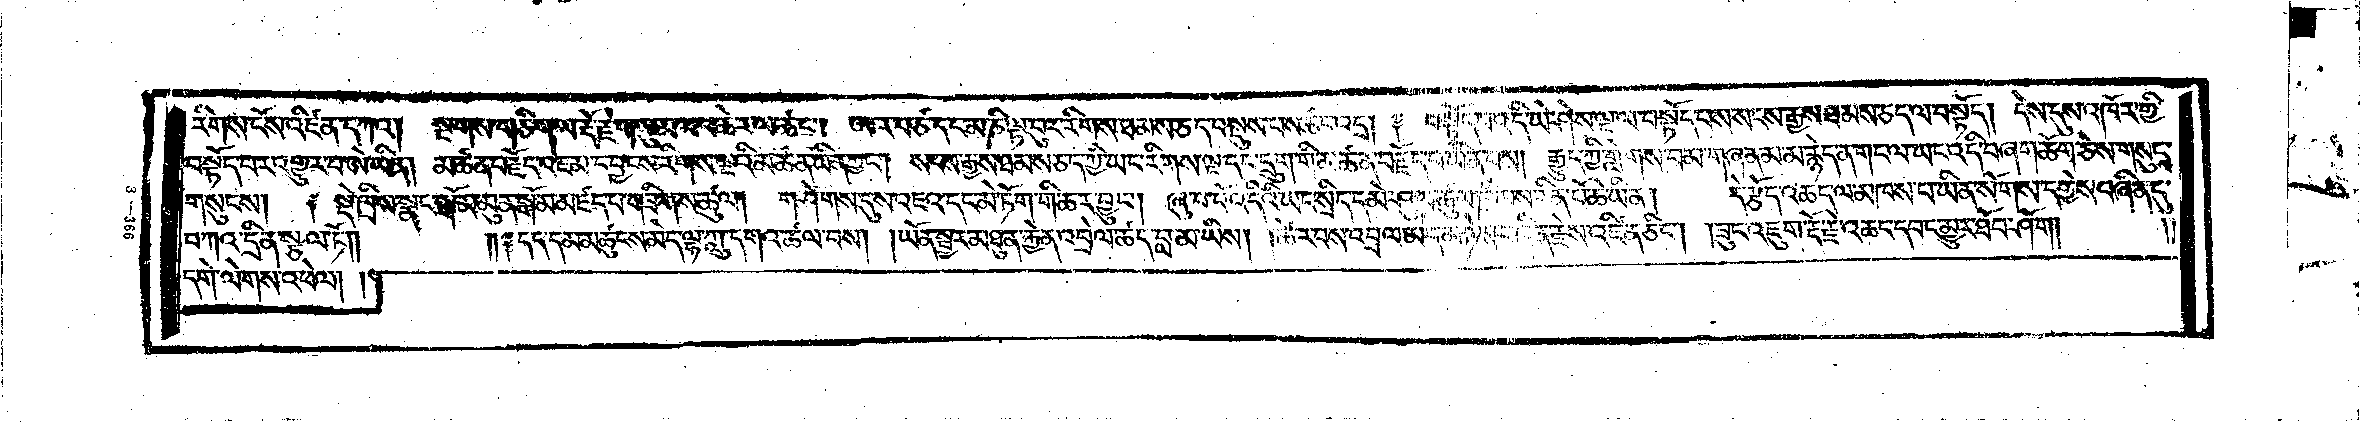རིགས་ངོས་འཛིན་དཀའ། སྔགས་གཅིག་ལ་རྡོ་རྗེ་གསུམ་པ་ལ་ཆེར་ལ་ཚང་། ཨ་ར་པ་ཙ་དང་མ་ཎི་ལྟ་བུར་རིགས་ཐམས་ཅད་བསྡུས་པས་ཚང་འདྲ། ༈ བསྟོད་པ་འདི་ཡེ་ཤེས་ལྔ་ལ་བསྟོད་བས་སངས་རྒྱས་ཐམས་ཅད་ལ་བསྟོད། དེས་དུས་འཁོར་གྱི་
བསྟོད་པར་འགྱུར་བ་ཨེ་ཡིན། མཚན་བརྗོད་འཇམ་དབྱངས་རིགས་ལྔའི་མཚན་ཡིན་ཀྱང་། སངས་རྒྱས་ཐམས་ཅད་ཀྱི་ཡང་རིགས་ལྔ་དང་དྲུག་གི་མཚན་བརྗོད་པ་ཡིན་པས། རྒྱུད་ཀྱི་གླེགས་བམ་གཞན་མ་མ་རྙེད་ན་གང་ལ་ཡང་འདི་བཞག་ཆོག་ཅེས་གསུངས་
གསུངས། ༈ སྡེ་ཁྲིས་སྣང་སྒོམ་མུན་སྒོམ་མཛད་པ་གཟིགས་ཚུལ། །གཤེགས་དུས་འཇའ་དང་མེ་ཏོག་གི་ཆར་བྱུང་། ཞུ་བ་པོ་འདིའི་ཡང་སྲིད་མེད་ཤུལ་ཚུལ་ཁྲིམས་རིན་པོ་ཆེ་ཡིན། དེ་རྩོད་འཆད་ལ་མཁས་པ་ཡིན་སོགས་དགྱེས་བཞིན་དུ་
བཀའ་དྲིན་སྩལ་ཏོ།། །།༈ དད་དམ་མཚུངས་མེད་ལྷ་ཀླུ་དགའ་ཚལ་བས། །ཡོན་སྦྱར་མཐུན་རྐྱེན་འབྲེལ་ཚད་བླ་མ་ཡིས། ཚེ་རབས། འབྲལ་མདམ་སྟེས་པ་ནིན་རྗེས་འཛིན་ཅིང་། ཟུང་འཇུག་རྡོ་རྗེ་འཆང་དབང་མྱུག་ཐོབ་ཤོག། །།
དགེ་ལེགས་འཕེལ། །